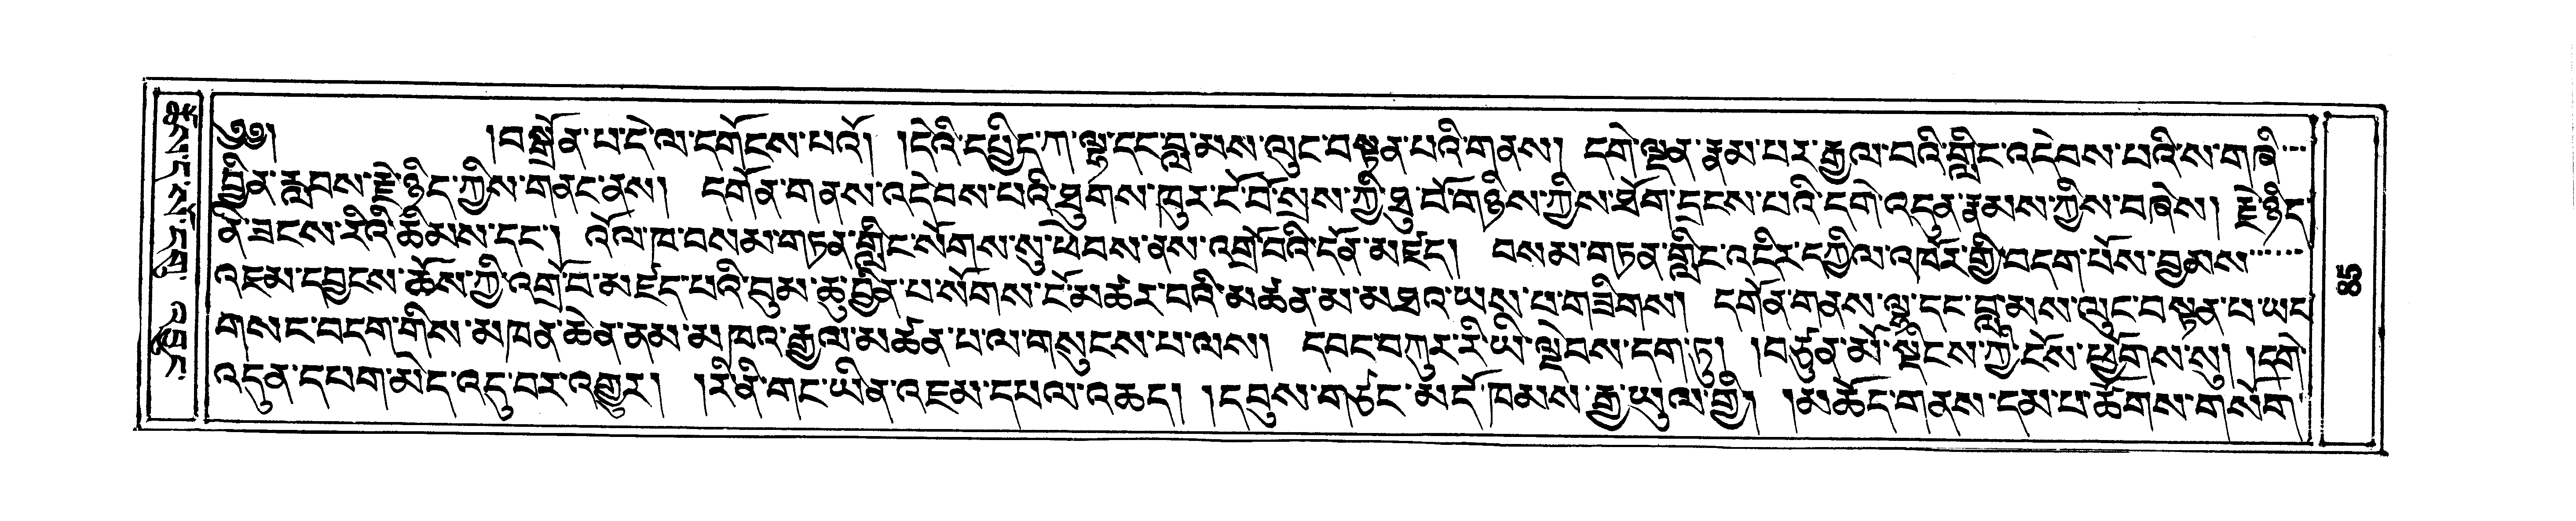༄༅། །བསྒྲོན་པ་དེ་ལ་དགོང་པའོ། །དེའི་དཔྱིད་ཀ་ལྷ་དང་བླ་མས་ལུང་བསྟན་པའི་གནས། དགེ་ལྡན་རྣམ་པར་རྒྱལ་བའི་གླིང་འདེབས་པའི་ས་གཞི་
བྱིན་རླབས་རྗེ་ཉིད་ཀྱིས་གནང་ནས། དགོན་གནས་འདེབས་པའི་ཐུགས་ཁུར་ངོ་བོ་སྲས་ཀྱི་ཐུ་བོ་གཉིས་ཀྱིས་ཐོག་དྲངས་པའི་དགེ་འདུན་རྣམས་ཀྱིས་བཞེས། རྗེ་ཉིད་
ནི་ཟངས་རིའི་ཆིམས་དང་། འོལ་ཁ་བསམ་གཏན་གླིང་སོགས་སུ་ཕེབས་ནས་འགྲོ་བའི་དོན་མཛད། བསམ་གཏན་གླིང་འདིར་དཀྱིལ་འཁོར་གྱི་བདག་པོས་བྱམས་
འཇམ་དབྱངས་ཆོས་ཀྱི་འགྲོ་བ་མཛད་པའི་བུམ་ཆུ་བྱིན་པ་སོགས་ངོ་མཚར་བའི་མཚན་མ་མཐའ་ཡས་པ་གཟིགས། དགོན་གནས་ལྷ་དང་བླ་མས་ལུང་བསྟན་པ་ཡང་
གསང་བདག་གིས་མཁན་ཆེན་ནམ་མཁའ་རྒྱལ་མཚན་པ་ལ་གསུངས་པ་ལས། དབང་བཀུར་རི་ཡི་ལྡེབས་དག་ཏུ། །བཙུན་མོ་སྡིངས་ཀྱི་ངོས་ཕྱོགས་སུ། །དགེ་
འདུན་དཔག་མེད་འདུ་བར་འགྱུར། །རི་ནི་གང་ཡིན་འཇམ་དཔལ་འཆད། །དབུས་གཙང་མདོ་ཁམས་རྒྱ་ཡུལ་གྱི། །མཆོད་གནས་དམ་པ་ཚོགས་གསོག་